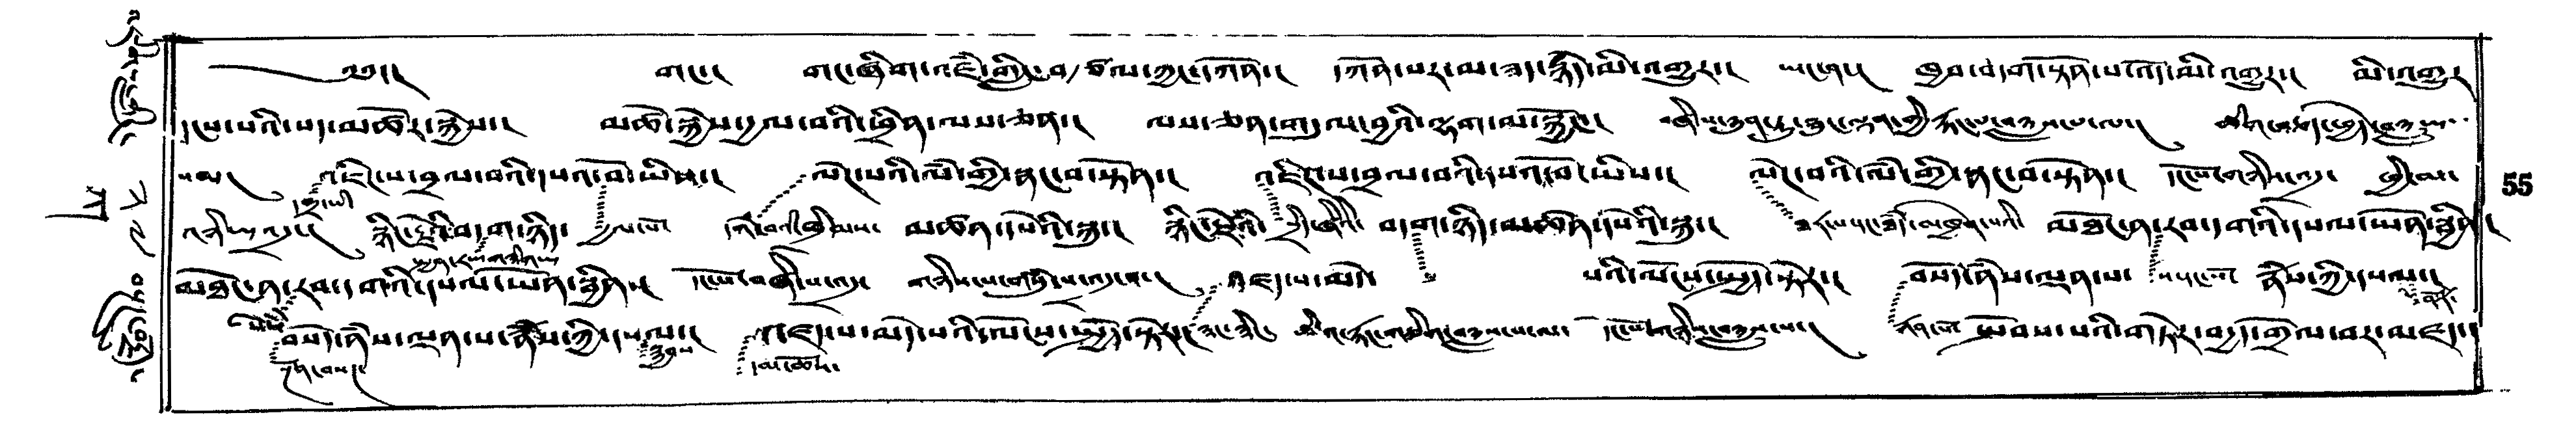གང་། །གང་ཞིག་འཛམ་གླིང་བཙལ་ཀྱང་དཀོན། །དཀོན་པར་མ་ཟད་རྙེད་མི་འགྱུར། ། ཡང་ན། ཁྱབ་བདག་སྟོན་པ་འོད་མི་འགྱུར། །མི་འགྱུར་
དྭངས་པའི་པད་མཚོར་སྐྱེས། །མཚོ་སྐྱེས་རྒྱལ་བའི་ཕྲིན་ལས་ཅན། །ལས་ཅན་གདུལ་བྱའི་ལྷག་མ་སྐྱོང་། ། བཞི་པ་ཀུན་ཏུ་ཟུང་ལྡན་གྱི་རྐང་པ་བཟླས་པ་ལ། ཚིག་བཅད་ཕྱེད་བཟླས་
པ། འཇིགས་པ་དགྲ་ཡི། བྲལ་བའི་དཔའ་བོ་རྒྱལ་པོ། ཡིས། ། ལེགས་པའི་ལམ་དགེ་བའི་ཁྲིམས། གྱི་སྣང་བ་སྟོན། །འཇིགས་པ་སྲིད་ཞིའི། བྲལ་བའི་དཔའ་བོ་ཡིས། ལེགས་པའི་ལམ་ཐར་པ་དང་ཐམས་ཅད་མཁྱེན་པའི། གྱི་སྣང་བ་སྟོན། ། དང་པོ་གཉིས་འདྲ། ཕྱི་མ་
གཉིས་འདྲ། སྙིང་རྗེའི་བདག་ཉིད་སྤྱན་རས་གཟིགས་མཚན་དཔེའི་སྐུ། ། སྙིང་རྗེའི་བདག་ཉིད་མཚན་པའི་སྐུ། མཐོང་ན་ས་དང་པོ། རབ་དགའི་དཔལ་ཡོན་སྦྱིན། །
མཐོང་ན་སེམས། རབ་དགའི་དཔལ་ཡོན་སྦྱིན། དང་པོ་བཞི་པ་འདྲ། གཉིས་པ་གསུམ་པ་འདྲ་བ། འཛད་པ་མེད་པའི་ཟང་ཟིང་། ལོངས་སྤྱོད་སྟེར། ། བསོད་ནམས་ལྡན་པ་རྒན་པོ། རྣམས་ཀྱི་དཔལ། ། ནོར། 
སྔོན་བསགས། བསོད་ནམས་ལྡན་པ་རྣམས་ཀྱི་སྐྱབས། དཔལ། ། དམ་ཆོས། འཛད་པ་མེད་པའི་ལོངས་སྤྱོད་སྟེར། ། ཟང་ཟིང་། ཚིག་རྐང་གཅིག་བཟླས་པ་ལ། དང་པོ་གཉིས་བཟླས་པ། སྤོབས་པའི་གཏེར་བརྒྱད་གྲོལ་བར་མཛད།